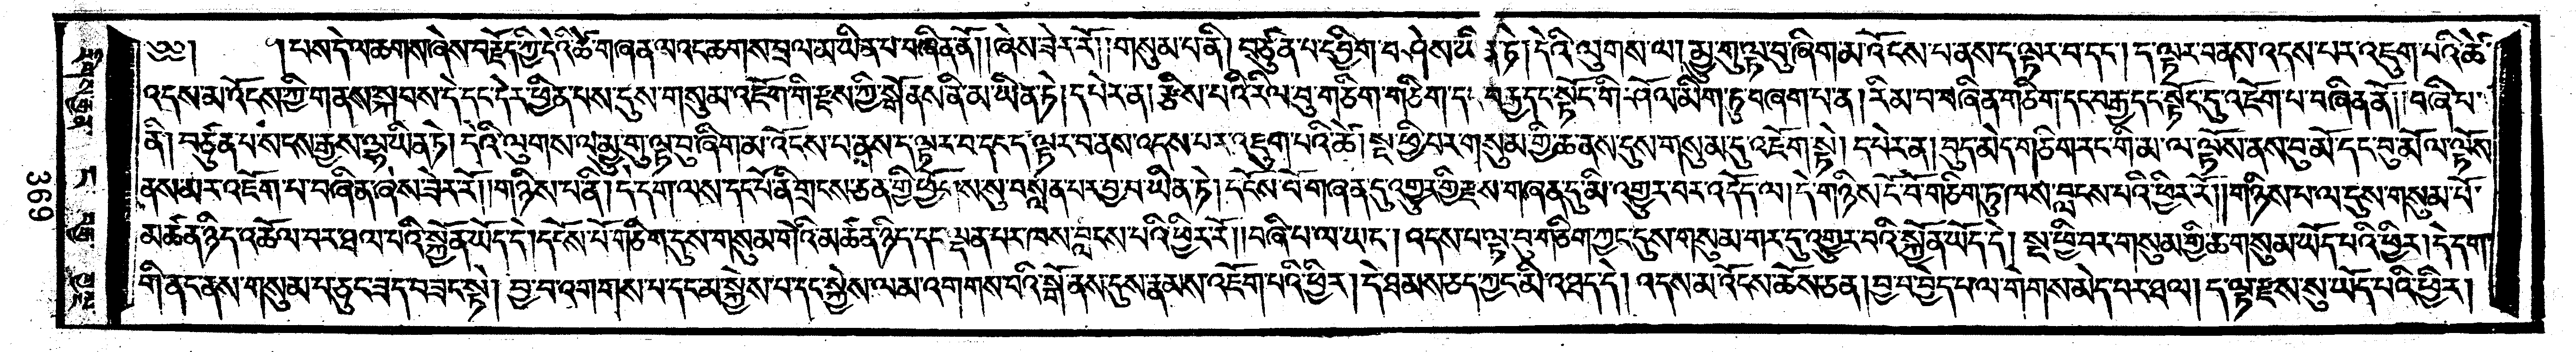༄༅། །པས་དེ་ལ་ཆགས་ཞེས་བརྗོད་ཀྱི་དེའི་ཚེ་གཞན་ལའང་ཆགས་བྲལ་མ་ཡིན་པ་བཞིན་ནོ། །ཞེས་ཟེར་རོ། །གསུམ་པ་ནི། བཙུན་པ་དབྱིག་བཤེས་ཡིན་ཏེ། དེའི་ལུགས་ལ། མྱུ་གུ་ལྟ་བུ་ཞིག་མ་འོངས་པ་ནས་ད་ལྟར་བ་དང་། ད་ལྟར་བ་ནས་འདས་པར་འཇུག་པའི་ཚེ་
འདས་མ་འོངས་ཀྱི་གནས་སྐབས་དེ་དང་དེར་ཕྱིན་པས་དུས་གསུམ་འཇོག་གི་རྫས་ཀྱི་སྒོ་ནས་ནི་མ་ཡིན་ཏེ། དཔེར་ན། རྩིས་པའི་རིལ་བུ་གཅིག་གཅིག་དང་བརྒྱ་དང་སྟོང་གི་ཤོལ་མིག་ཏུ་བཞག་པ་ན། རིམ་པ་བཞིན་གཅིག་དང་བརྒྱ་དང་སྟོང་དུ་འཇོག་པ་བཞིན་ནོ། །བཞི་པ་
ནི། བཙུན་པ་སངས་རྒྱས་ལྷ་ཡིན་ཏེ། དེའི་ལུགས་ལ་མྱུ་གུ་ལྟ་བུ་ཞིག་མ་འོངས་པ་ནས་ད་ལྟར་བ་དང་ད་ལྟར་བ་ནས་འདས་པར་འཇུག་པའི་ཚེ། སྔ་ཕྱི་བར་གསུམ་གྱི་ཆ་ནས་དུས་གསུམ་དུ་འཇོག་སྟེ། དཔེར་ན། བུད་མེད་གཅིག་རང་གི་མ་ལ་ལྟོས་ནས་བུ་མོ་དང་བུ་མོ་ལ་ལྟོས་
ནས་མར་འཛིག་?་པ་བཞིན་ཞེས་ཟེར་རོ། །གཉིས་པ་ནི། དེ་དག་ལས་དང་པོ་ནི་གྲངས་ཅན་གྱི་ཕྱོགས་སུ་བསླན་པར་བྱ་བ་ཡིན་ཏེ། དངོས་པོ་གཞན་དུ་འགྱུར་གྱི་རྫས་གཞན་དུ་མི་འགྱུར་བར་འདོད་ལ། དེ་གཉིས་ངོ་བོ་གཅིག་ཏུ་ཁས་བླངས་པའི་ཕྱིར་རོ། །གཉིས་པ་ལ་དུས་གསུམ་པོ་
མཚན་ཉིད་འཆོལ་བར་ཐལ་བའི་སྐྱོན་ཡོད་དེ། དངོས་པོ་གཅིག་དུས་གསུམ་གའི་མཚན་ཉིད་དང་ལྡན་པར་ཁས་བླངས་པའི་ཕྱིར་རོ། །བཞི་པ་ལ་ཡང་། འདས་པ་ལྟ་བུ་གཅིག་ཀྱང་དུས་གསུམ་གར་དུ་འགྱུར་བའི་སྐྱོན་ཡོད་དེ། སྔ་ཕྱི་བར་གསུམ་གྱི་ཆ་གསུམ་ཡོད་པའི་ཕྱིར། དེ་དག་
གི་ནང་ནས་གསུམ་པ་ཅུང་ཟད་བཟང་སྟེ། བྱ་བ་འགགས་པ་དང་མ་སྐྱེས་པ་དང་སྐྱེས་ལ་མ་འགགས་པའི་སྒོ་ནས་དུས་རྣམས་འཇོག་པའི་ཕྱིར། དེ་ཐམས་ཅད་ཀྱང་མི་འཐད་དེ། འདས་མ་འོངས་ཆོས་ཅན། བྱ་བ་བྱེད་པ་ལ་གེགས་མེད་པར་ཐལ། ད་ལྟ་རྫས་སུ་ཡོད་པའི་ཕྱིར།